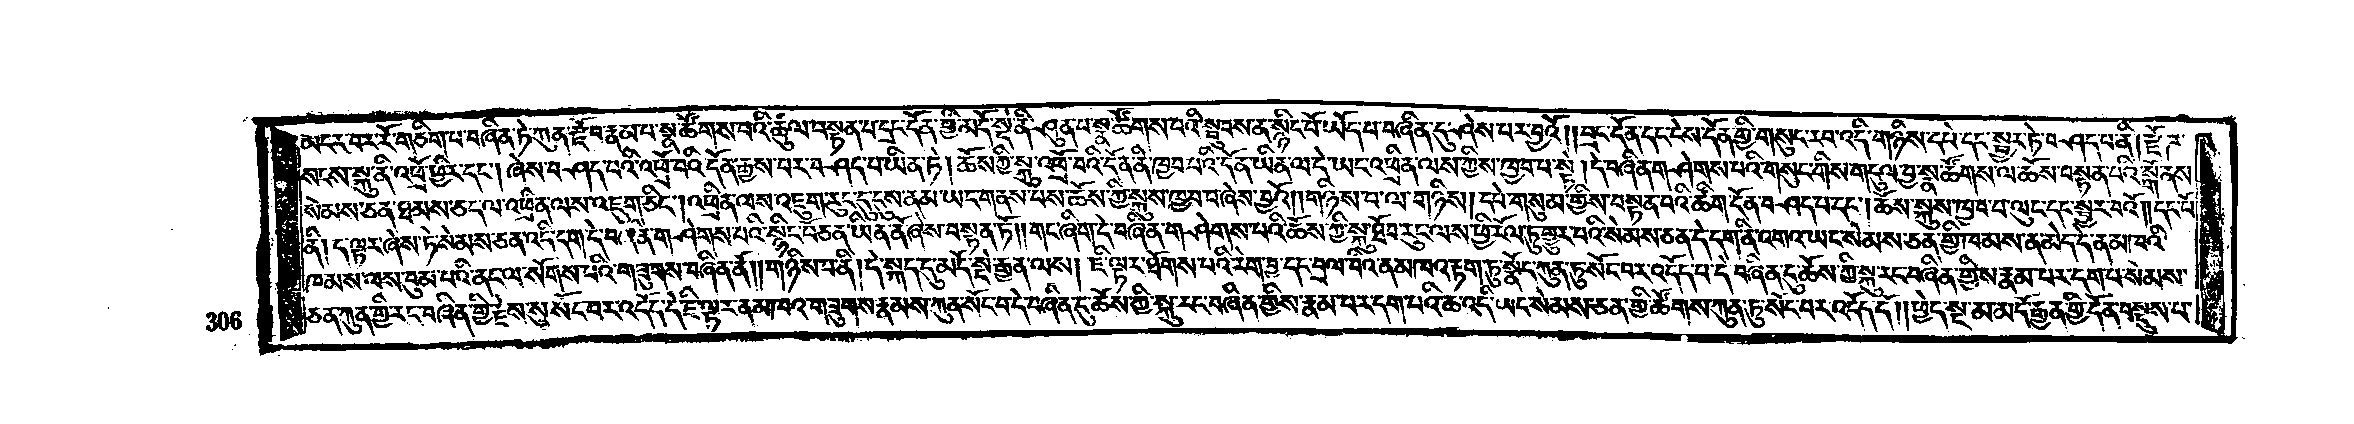མངར་བར་རོ་གཅིག་པ་བཞིན་ཏེ་ཀུན་རྫོབ་རྣམ་པ་སྣ་ཚོགས་པའི་ཚུལ་བསྟན་པ་དྲང་དོན་གྱི་མདོ་སྡེ་ནི་ཤུན་པ་སྣ་ཚོགས་པའི་སྦུབས་ན་སྙིང་པོ་ཡོད་པ་བཞིན་དུ་ཤེས་པར་བྱའོ། །བྲང་དོན་དང་ངེས་དོན་གྱི་གསུང་རབ་འདི་གཉིས་དཔེ་དང་སྦྱར་ཏེ་བཤད་པ་ནི། རྫོགས་
སངས་སྐུ་ནི་འཕྲོ་ཕྱིར་དང་། ཞེས་བཤད་པའི་འཕྲོ་བའི་དོན་རྒྱས་པར་བཤད་པ་ཡིན་ཏེ། ཆོས་ཀྱི་སྐུ་འཕྲོ་བའི་དོན་ནི་ཁྱབ་པའི་དོན་ཡིན་ལ་དེ་ཡང་འཕྲིན་ལས་ཀྱིས་ཁྱབ་པ་སྟེ། དེ་བཞིན་གཤེགས་པའི་གསུང་གིས་གདུལ་བྱ་སྣ་ཚོགས་ལ་ཆོས་བསྟན་པའི་སྒོ་ནས་
སེམས་ཅན་ཐམས་ཅད་ལ་འཕྲིན་ལས་འཇུག་ཅིང་། འཕྲིན་ལས་འཇུག་རུང་དུ་དུས་ནམ་ཡང་གནས་པས་ཆོས་ཀྱི་སྐུས་ཁྱབ་པ་ཞེས་བྱའོ། །གཉིས་པ་ལ་གཉིས། དཔེ་གསུམ་གྱིས་བསྟན་པའི་ཚིག་དོན་བཤད་པ་དང་། ཆོས་སྐུས་ཁྱབ་པ་ལུང་དང་སྦྱར་བའོ། །དང་པོ་
ནི༑ ད་ལྟར་ཞེས་ཏེ་སེམས་ཅན་འདི་དག་དེ་བཞིན་གཤེགས་པའི་སྙིང་པོ་ཅན་ཡིན་ནོ་ཞེས་བསྟན་ཏོ། །གང་ཞིག་དེ་བཞིན་གཤེགས་པའི་ཆོས་ཀྱི་སྐུ་ཐོབ་རུང་ལས་ཕྱི་རོལ་ཏུ་གྱུར་པའི་སེམས་ཅན་དེ་དག་ནི་འགའ་ཡང་སེམས་ཅན་གྱི་ཁམས་ན་མེད་དེ་ནམ་མཁའི་
ཁམས་ལས་བུམ་པའི་ནང་ལ་སོགས་པའི་གཟུགས་བཞིན་ནོ། །གཉིས་པ་ནི། དེ་སྐད་དུ་མདོ་སྡེ་རྒྱན་ལས། ཇི་ལྟར་ཐོགས་པའི་རེག་བྱ་དང་བྲལ་བའི་ནམ་མཁའ་རྟག་ཏུ་སྣོད་ཀུན་ཏུ་སོང་བར་འདོད་པ་དེ་བཞིན་དུ་ཆོས་ཀྱི་སྐུ་རང་བཞིན་གྱིས་རྣམ་པར་དག་པ་སེམས་
ཅན་ཀུན་གྱི་རང་བཞིན་གྱི་རྗེས་སུ་སོང་བར་འདོད་དེ་ཇི་ལྟར་ནམ་མཁའ་གཟུགས་རྣམས་ཀུན་སོང་བ་དེ་བཞིན་དུ་ཆོས་ཀྱི་སྐུ་རང་བཞིན་གྱིས་རྣམ་པར་དག་པའི་ཆ་འདི་ཡང་སེམས་ཅན་གྱི་ཚོགས་ཀུན་ཏུ་སོང་བར་འདོད་དོ། །ཕྱེད་སྔ་མ་མདོ་རྒྱན་གྱི་དོན་བསྡུས་པ་